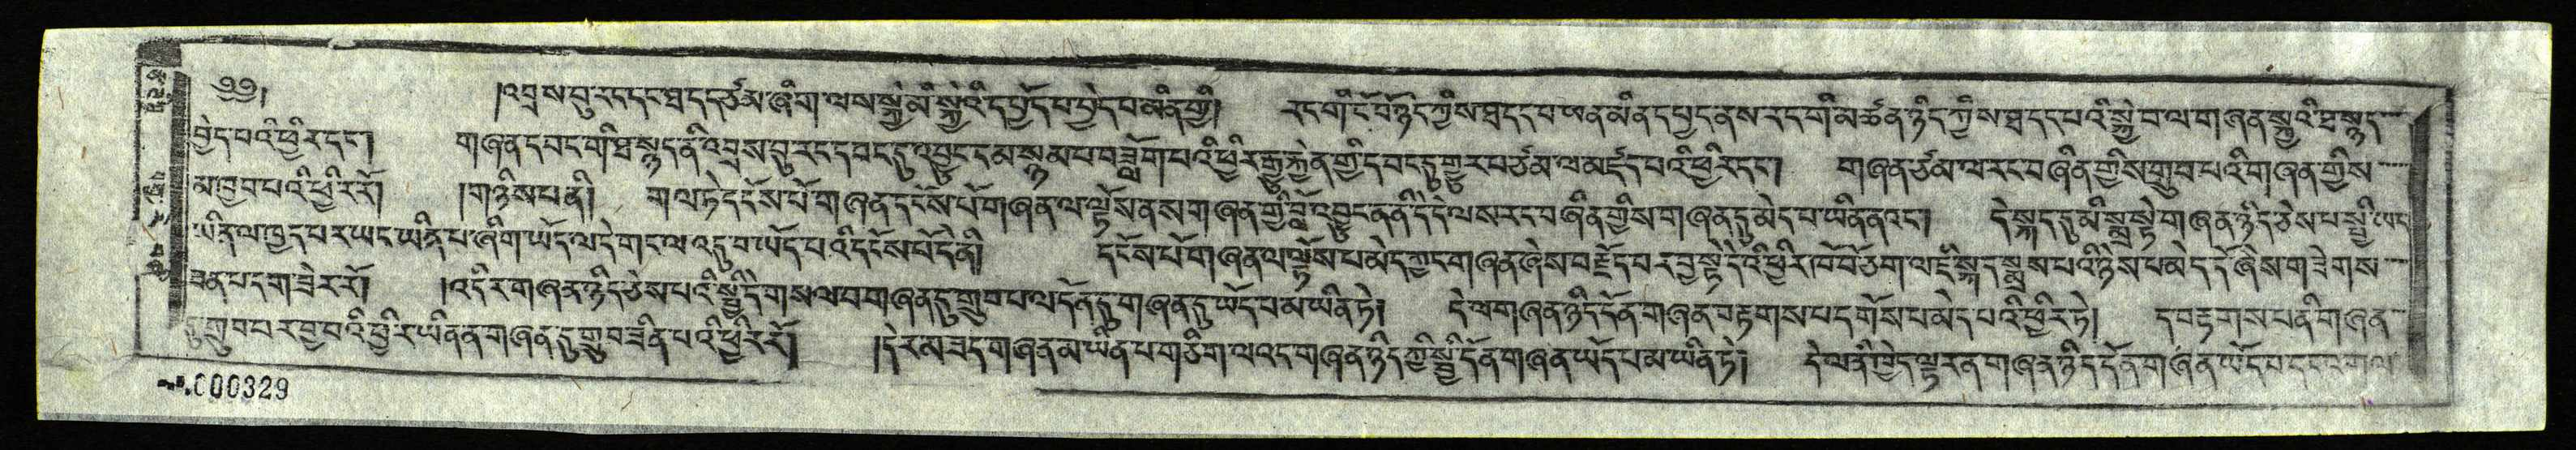༄༅། །འབྲས་བུ་རང་དང་ཐ་དད་ཙམ་ཞིག་ལས་སྐྱེ་མི་སྐྱེའི་དཔྱོད་པ་བྱེད་པ་མིན་གྱི། རང་གི་ངོ་བོ་ཉིད་ཀྱིས་ཐ་དད་པ་ཡན་མིན་དཔྱད་ནས་རང་གི་མཚན་ཉིད་ཀྱིས་ཐ་དད་པའི་སྐྱེ་བ་ལ་གཞན་སྐྱའི་ཐ་སྙད་
བྱེད་པའི་ཕྱིར་དང་། གཞན་དབང་གི་ཐ་སྙད་ནི་འབྲས་བུ་རང་དབང་དུ་འབྱུང་ངམ་སྙམ་པ་བཟློག་པའི་ཕྱིར་རྒྱུ་རྐྱེན་གྱི་དབང་དུ་གྱུར་པ་ཙམ་ལ་མཛད་པའི་ཕྱིར་དང་། གཞན་ཙམ་ལ་རང་བཞིན་གྱིས་གྲུབ་པའི་གཞན་གྱིས་
མ་ཁྱབ་པའི་ཕྱིར་རོ། །གཉིས་པ་ནི། གལ་ཏེ་དངོས་པོ་གཞན་དངོས་པོ་གཞན་ལ་ལྟོས་ནས་གཞན་གྱི་བློ་འབྱུང་ན་ནི་དེ་དེ་ལས་རང་བཞིན་གྱིས་གཞན་དུ་མེད་པ་ཡིན་ནའང་། དེ་སྐད་དུ་མི་སྨྲ་སྟེ་གཞན་ཉིད་ཅེས་པ་སྤྱི་ཡང་
ཡིན་ལ་ཁྱད་པར་ཡང་ཡིན་པ་ཞིག་ཡོད་ལ་དེ་གང་ལ་འདུ་བ་ཡོད་པའི་དངོས་པོ་དེ་ནི། དངོས་པོ་གཞན་ལ་ལྟོས་པ་མེད་ཀྱང་གཞན་ཞེས་བརྗོད་པར་བྱ་སྟེ་དེའི་ཕྱིར་ཁོ་བོ་ཅག་ལ་ཇི་སྐད་སྨྲས་པའི་ཉེས་པ་མེད་དོ་ཞེས་གཟིགས་
ཟན་པ་དག་ཟེར་རོ། །འདིར་གཞན་ཉིད་ཅེས་པའི་སྤྱི་དེ་གསལ་བ་གཞན་དུ་གྲུབ་པ་ལ་དོན་དུ་གཞན་དུ་ཡོད་པ་མ་ཡིན་ཏེ། དེ་ལ་གཞན་ཉིད་དོན་གཞན་བརྟགས་པ་དགོས་པ་མེད་པའི་ཕྱིར་ཏེ། ད་བརྟགས་པ་ནི་གཞན་
དུ་གྲུབ་པར་བྱ་བའི་ཕྱིར་ཡིན་ན་གཞན་དུ་གྲུབ་ཟིན་པའི་ཕྱིར་རོ། །དེར་མ་ཟད་གཞན་མ་ཡིན་པ་གཅིག་ལའང་གཞན་ཉིད་ཀྱི་སྤྱི་དོན་གཞན་ཡོད་པ་མ་ཡིན་ཏེ། དེ་ལ་ནི་ཁྱེད་ལྟར་ན་གཞན་ཉིད་དོན་གཞན་ཡོད་པ་དང་འགལ་